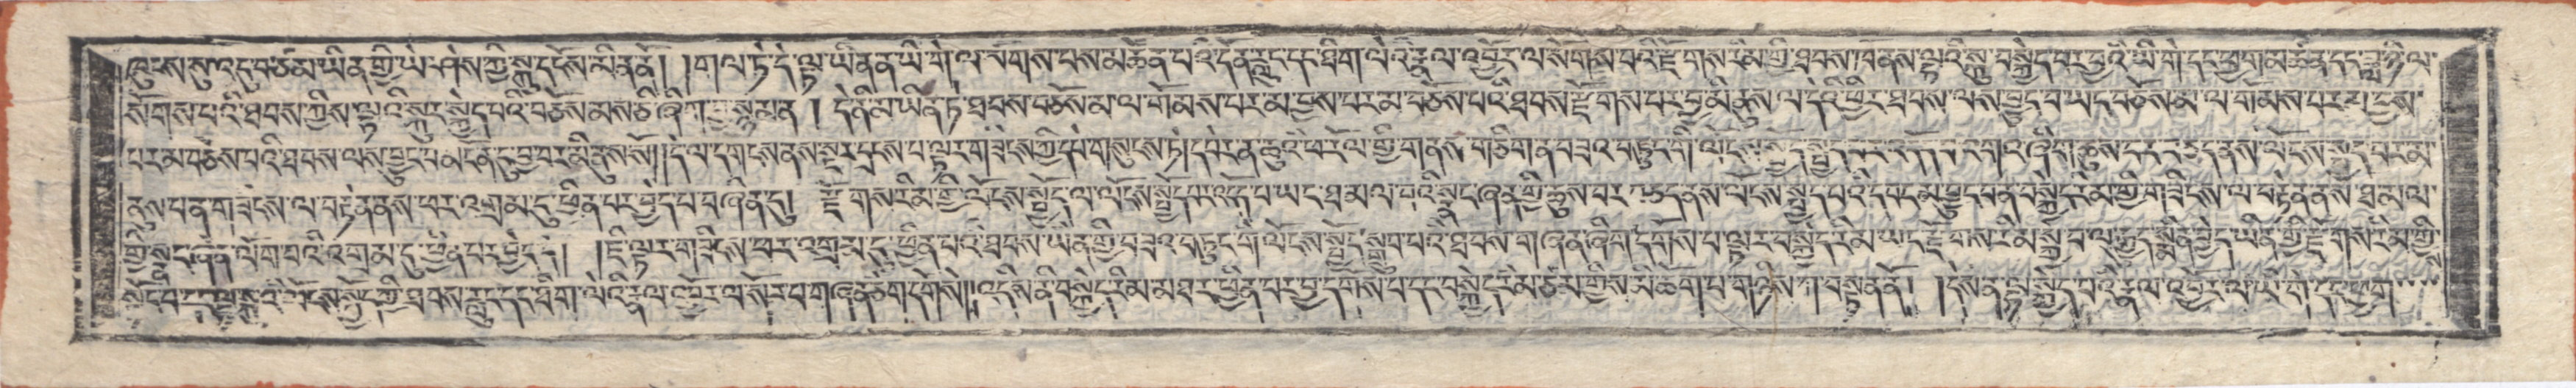ཁུངས་སུ་འདུ་བ་ཙམ་ཡིན་གྱི་ཡེ་ཤེས་ཀྱི་སྐུ་དངོས་མིན་ནོ། །གལ་ཏེ་དེ་ལྟ་ཡིན་ན་ཡི་གེ་ལ་སོགས་པས་མཚོན་པའི་དོན་རླུང་དང་ཐིག་ལེའི་རྣལ་འབྱོར་ལ་སོགས་པའི་རྫོགས་རིམ་གྱི་ཐབས་ཁོ་ནས་ལྷའི་སྐུ་བསྐྱེད་པར་བྱའི་ཡི་གེ་དང་ཕྱག་མཚན་དང་ཟླ་ཉི་ལ་
སོགས་པའི་ཐབས་ཀྱིས་ལྷའི་སྐུར་སྐྱེད་པའི་བཅོས་མས་ཅི་ཞིག་བྱ་སྙམ་ན། དེ་ནི་མ་ཡིན་ཏེ་ཐབས་བཅོས་མ་ལ་གོམས་པར་མ་བྱས་པར་མ་བཅོས་པའི་ཐབས་རྫོགས་པར་བྱ་མི་ནུས་ལ་དེའི་ཕྱིར་ཐབས་ལས་བྱུང་བ་ཡང་བཅོས་མ་ལ་གོམས་པར་མ་བྱས་
པར་མ་བཅོས་པའི་ཐབས་ལས་བྱུང་བ་མངོན་དུ་བྱ་བར་མི་ནུས་སོ། །དེ་ལ་དགོངས་ནས་སྔར་དྲངས་པ་ལྟར་གཟིངས་ཀྱི་དཔེ་གསུངས་ཏེ། དཔེར་ན་ཆུའི་ཕ་རོལ་གྱི་གནས་གཅིག་ན་བཟའ་བཏུང་གི་ལོངས་སྤྱོད་སྤྱད་པར་འདོད་པ་འགའ་ཞིག་ཆུས་བར་བཅད་ནས་ལོངས་སྤྱད་པར་མ་
ནུས་པ་ན་གཟིངས་ལ་བརྟེན་ནས་ཕར་འགྲམ་དུ་ཕྱིན་པར་བྱེད་པ་བཞིན་དུ། རྫོགས་རིམ་གྱི་ལོངས་སྤྱོད་ལ་ལོངས་སྤྱོད་པར་འདོད་པ་ཡང་ཐ་མལ་བའི་སྣང་ཞེན་གྱི་ཆུས་བར་བཅད་ནས་ལོངས་སྤྱད་པའི་དབང་མ་བྱུང་བ་ན་བསྐྱེད་རིམ་གྱི་གཟིངས་ལ་བརྟེན་ནས་ཐ་མལ་
གྱི་སྣང་ཞེན་ལོག་པའི་འགྲམ་དུ་ཕྱིན་པར་བྱེད་དོ། །ཇི་ལྟར་གཟིངས་ཕར་འགྲམ་དུ་ཕྱིན་པའི་ཐབས་ཡིན་གྱི་བཟའ་བཏུང་གི་ལོངས་སྤྱོད་སྒྲུབ་པའི་ཐབས་གཞན་ཞིག་དགོས་པ་ལྟར་བསྐྱེད་རིམ་ཡང་རྫོགས་རིམ་སྐྱེ་བ་ལ་རྒྱུད་སྨིན་བྱེད་ཡིན་གྱི་རྫོགས་རིམ་གྱིས་
སྟོང་པ་དང་ལྷ་སྐུའི་ལོངས་སྤྱོད་ཀྱི་ཐབས་རླུང་དང་ཐིག་ལེའི་རྣལ་འབྱོར་ལ་སོགས་པ་གཞན་ཅིག་དགོས་སོ། །འདིས་ནི་བསྐྱེད་རིམ་མཐར་ཕྱིན་པར་བྱ་དགོས་པ་དང་བསྐྱེད་རིམ་ཙམ་གྱིས་མི་ཆོག་པ་གཉིས་ཀ་བསྟན་ནོ། །དེས་ན་ལྷ་སྐྱེད་པའི་རྣལ་འབྱོར་ལ་ཡི་གེ་དང་ཕྱག་